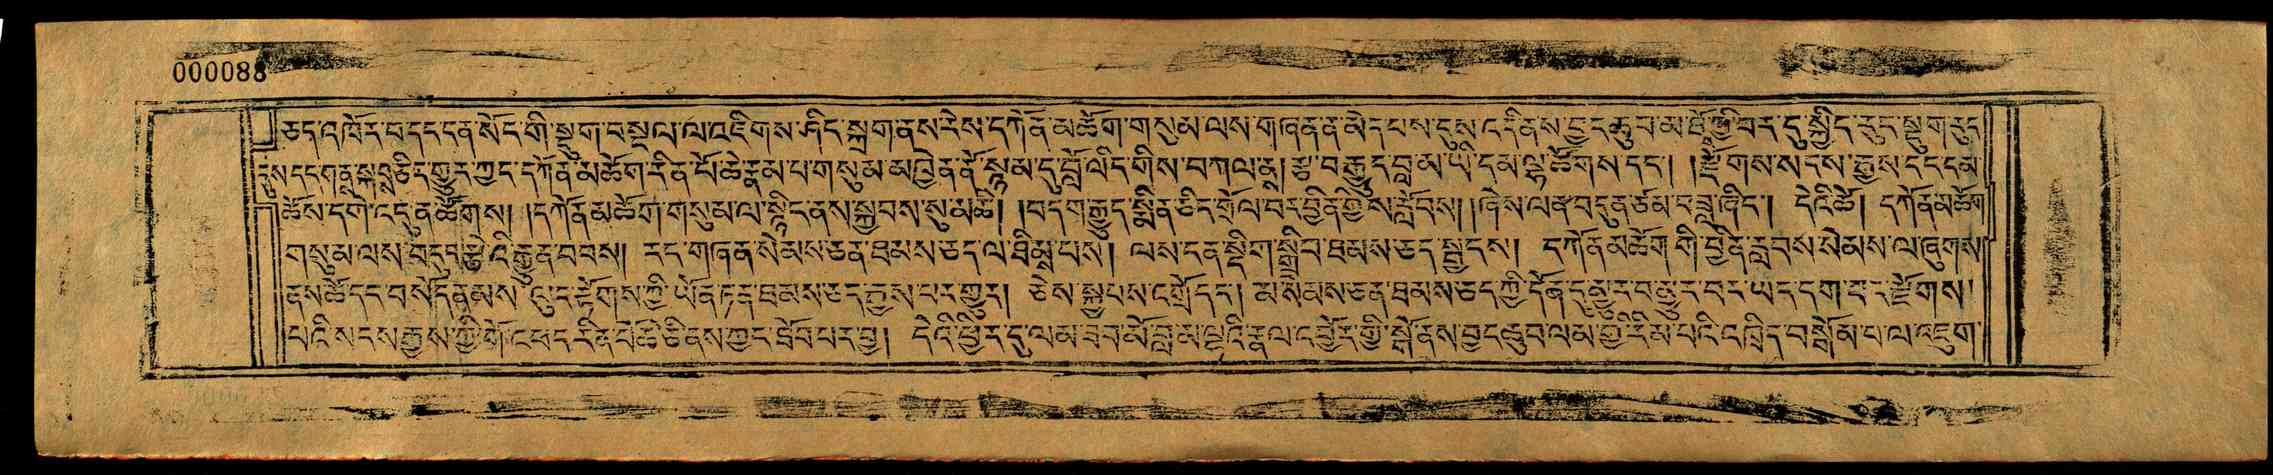ཅད་འཁོར་བ་དང་ངན་སོང་གི་སྡུག་བསྔལ་ལ་འཇིགས་ཤིང་སྐྲག་ནས་རེ་ས་དཀོན་མཆོག་གསུམ་ལས་གཞན་ན་མེད་པས་དུས་འདི་ནས་བྱང་ཆུབ་མ་ཐོ་བྱི་བར་དུ་སྐྱིད་རུང་སྡུག་རུང་
དུས་དང་གནས་སྐབས་ཅིར་གྱུར་ཀྱང་དཀོན་མཆོག་རིན་པོ་ཆེ་རྣམ་པ་གསུམ་མཁྱེན་ནོ་སྙམ་དུ་བློ་ལིང་གིས་བཀལ་ན། རྩ་བརྒྱུད་བླ་མ་ཡི་དམ་ལྷ་ཚོགས་དང་། །རྫོགས་སངས་རྒྱས་དང་དམ་
ཆོས་དགེ་འདུན་ཚོགས། །དཀོན་མཆོག་གསུམ་ལ་སྙིང་ནས་སྐྱབས་སུ་མཆི། །བདག་རྒྱུད་སྨིན་ཅིང་གྲོལ་བར་བྱིན་གྱིས་རློབས། །ཞེས་ལན་བདུན་ཙམ་བཟླ་ཞིང་། དེའི་ཚེ། དཀོན་མཆོག་
གསུམ་ལས་བདུད་རྩིའི་རྒྱུན་བབས། རང་གཞན་སེམས་ཅན་ཐམས་ཅད་ལ་ཐིམས་པས། ལས་ངན་སྡིག་སྒྲིབ་ཐམས་ཅད་སྦྱངས། དཀོན་མཆོག་གི་བྱིན་རླབས་སེམས་ལ་ཞུགས་
ནས་ཚེ་དང་བསོད་ནམས་ལུང་རྟོགས་ཀྱི་ཡོན་ཏན་ཐམས་ཅད་རྒྱས་པར་གྱུར། ཅེས་སྐྱབས་འགྲོ་དང་། མ་སེམས་ཅན་ཐམས་ཅད་ཀྱི་དོན་དུ་མྱུར་བ་མྱུར་བར་ཡང་དག་པར་རྫོགས་
པའི་སངས་རྒྱས་ཀྱི་གོ་འཕང་རིན་པོ་ཆེ་ཅི་ནས་ཀྱང་ཐོབ་པར་བྱ། དེའི་ཕྱིར་དུ་ལམ་ཟབ་མོ་བླ་མ་ལྷའི་རྣལ་འབྱོར་གྱི་སྒོ་ནས་བྱང་ཆུབ་ལམ་གྱི་རིམ་པའི་འཁྲིད་བསྒོམ་པ་ལ་འཇུག་